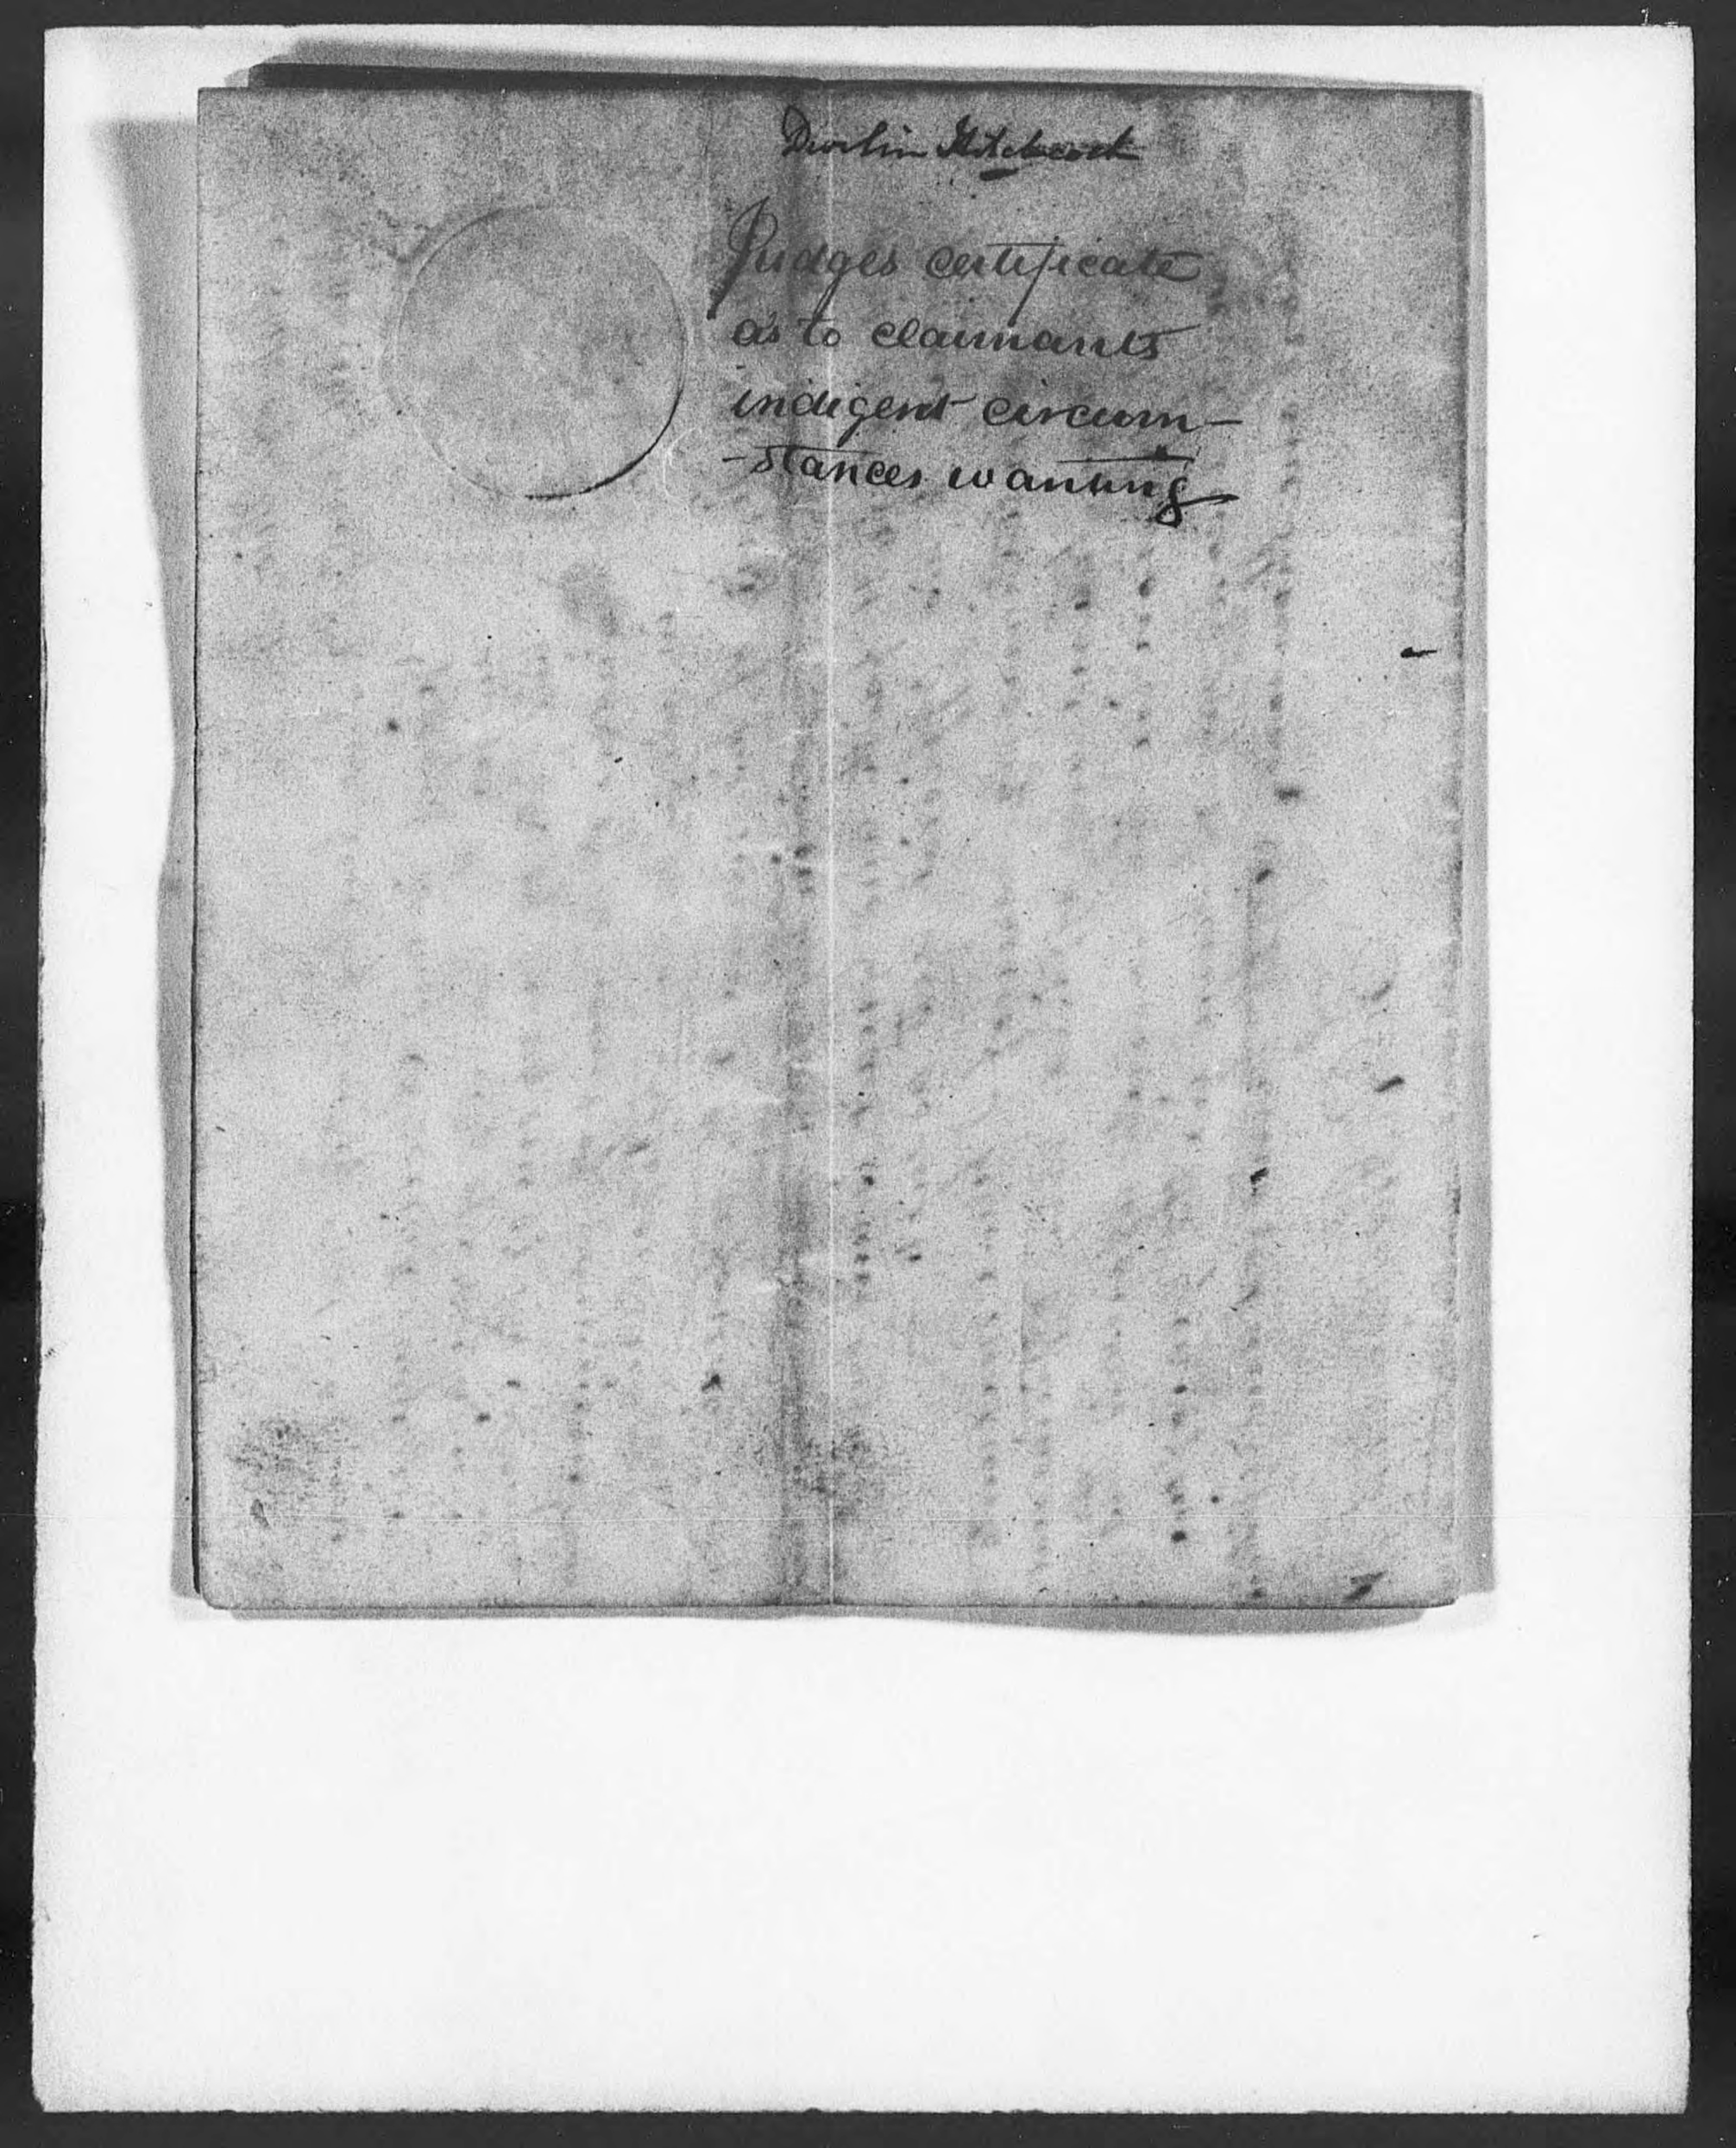Durlin Hitchcock

Judges certificate
as to claimants
indigent circumstances wanting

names: Durlin Hitchcock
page: 30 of 45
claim: widow's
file: W. 4988, Durlin Hickok, Mass.